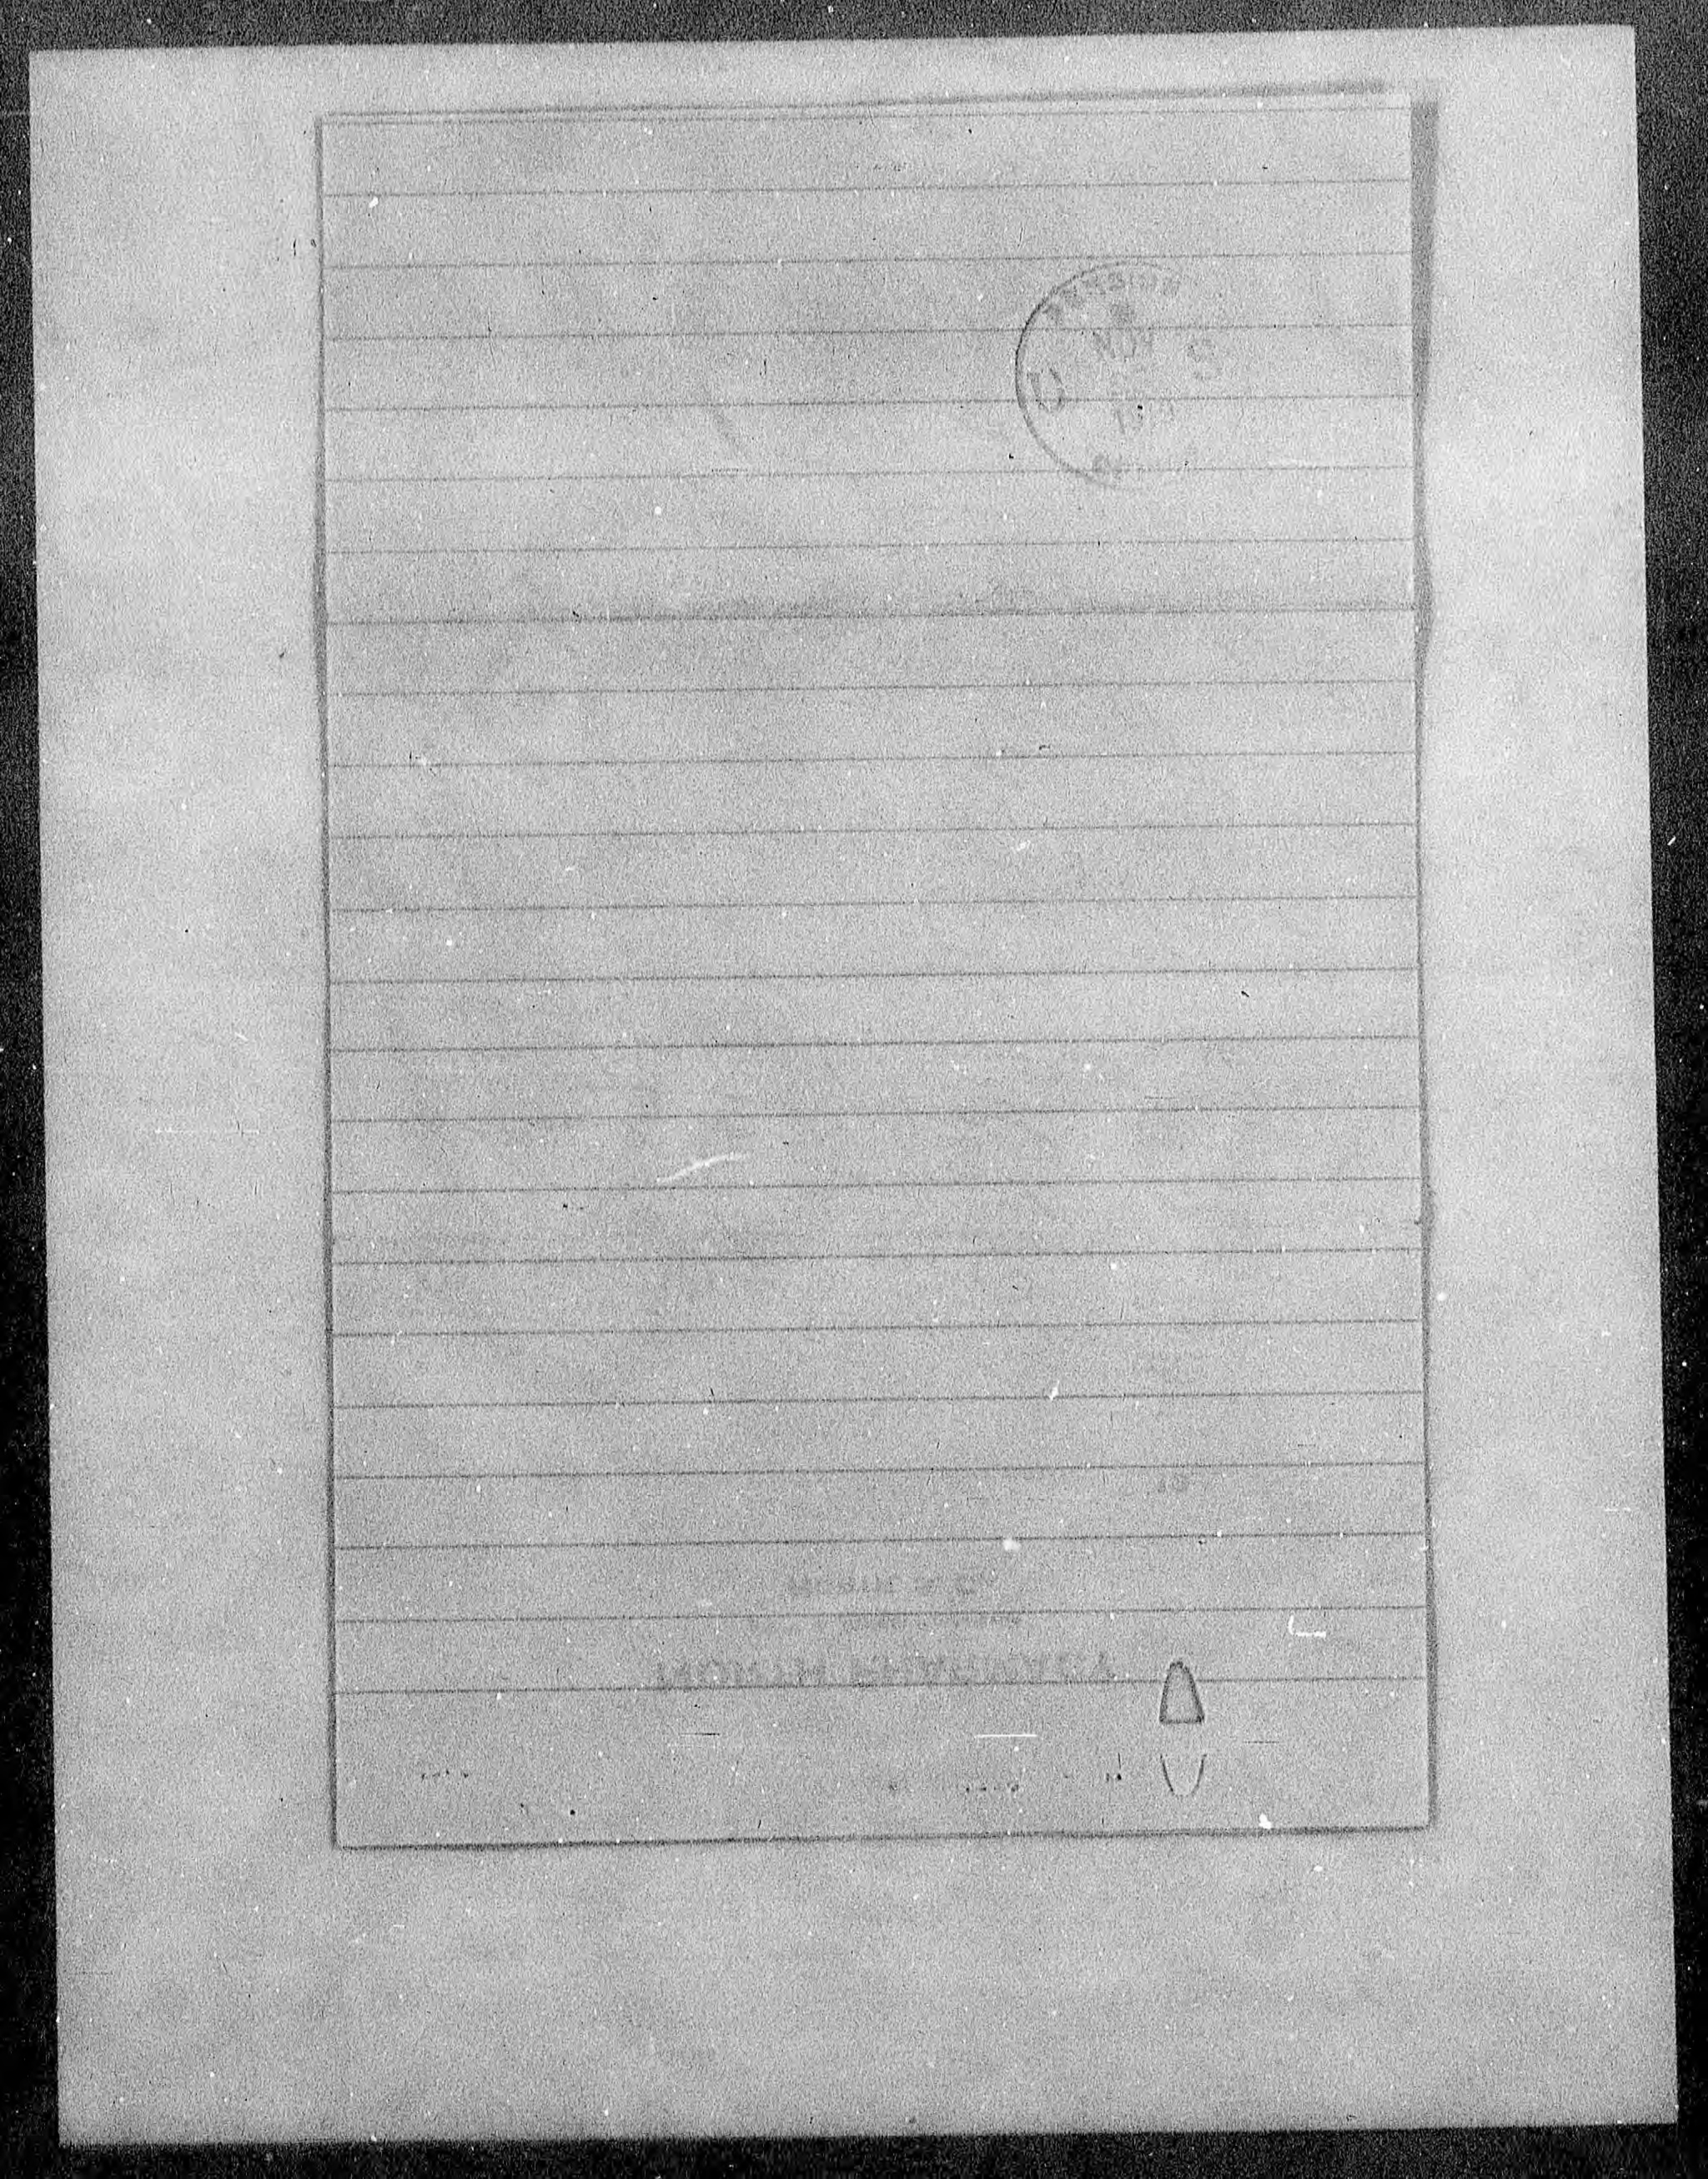[A blank piece of lined paper with a seal on it.]

U. S. Pension Office
NOV [date illegible] 1919


[At the bottom is what looks like a bleed through from the opposite side of the paper.]

NORTH PHARMACY
[probably an address but illegible]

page: 41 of 45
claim: widow's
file: W. 26160, for Thomas C Jones, Georgia